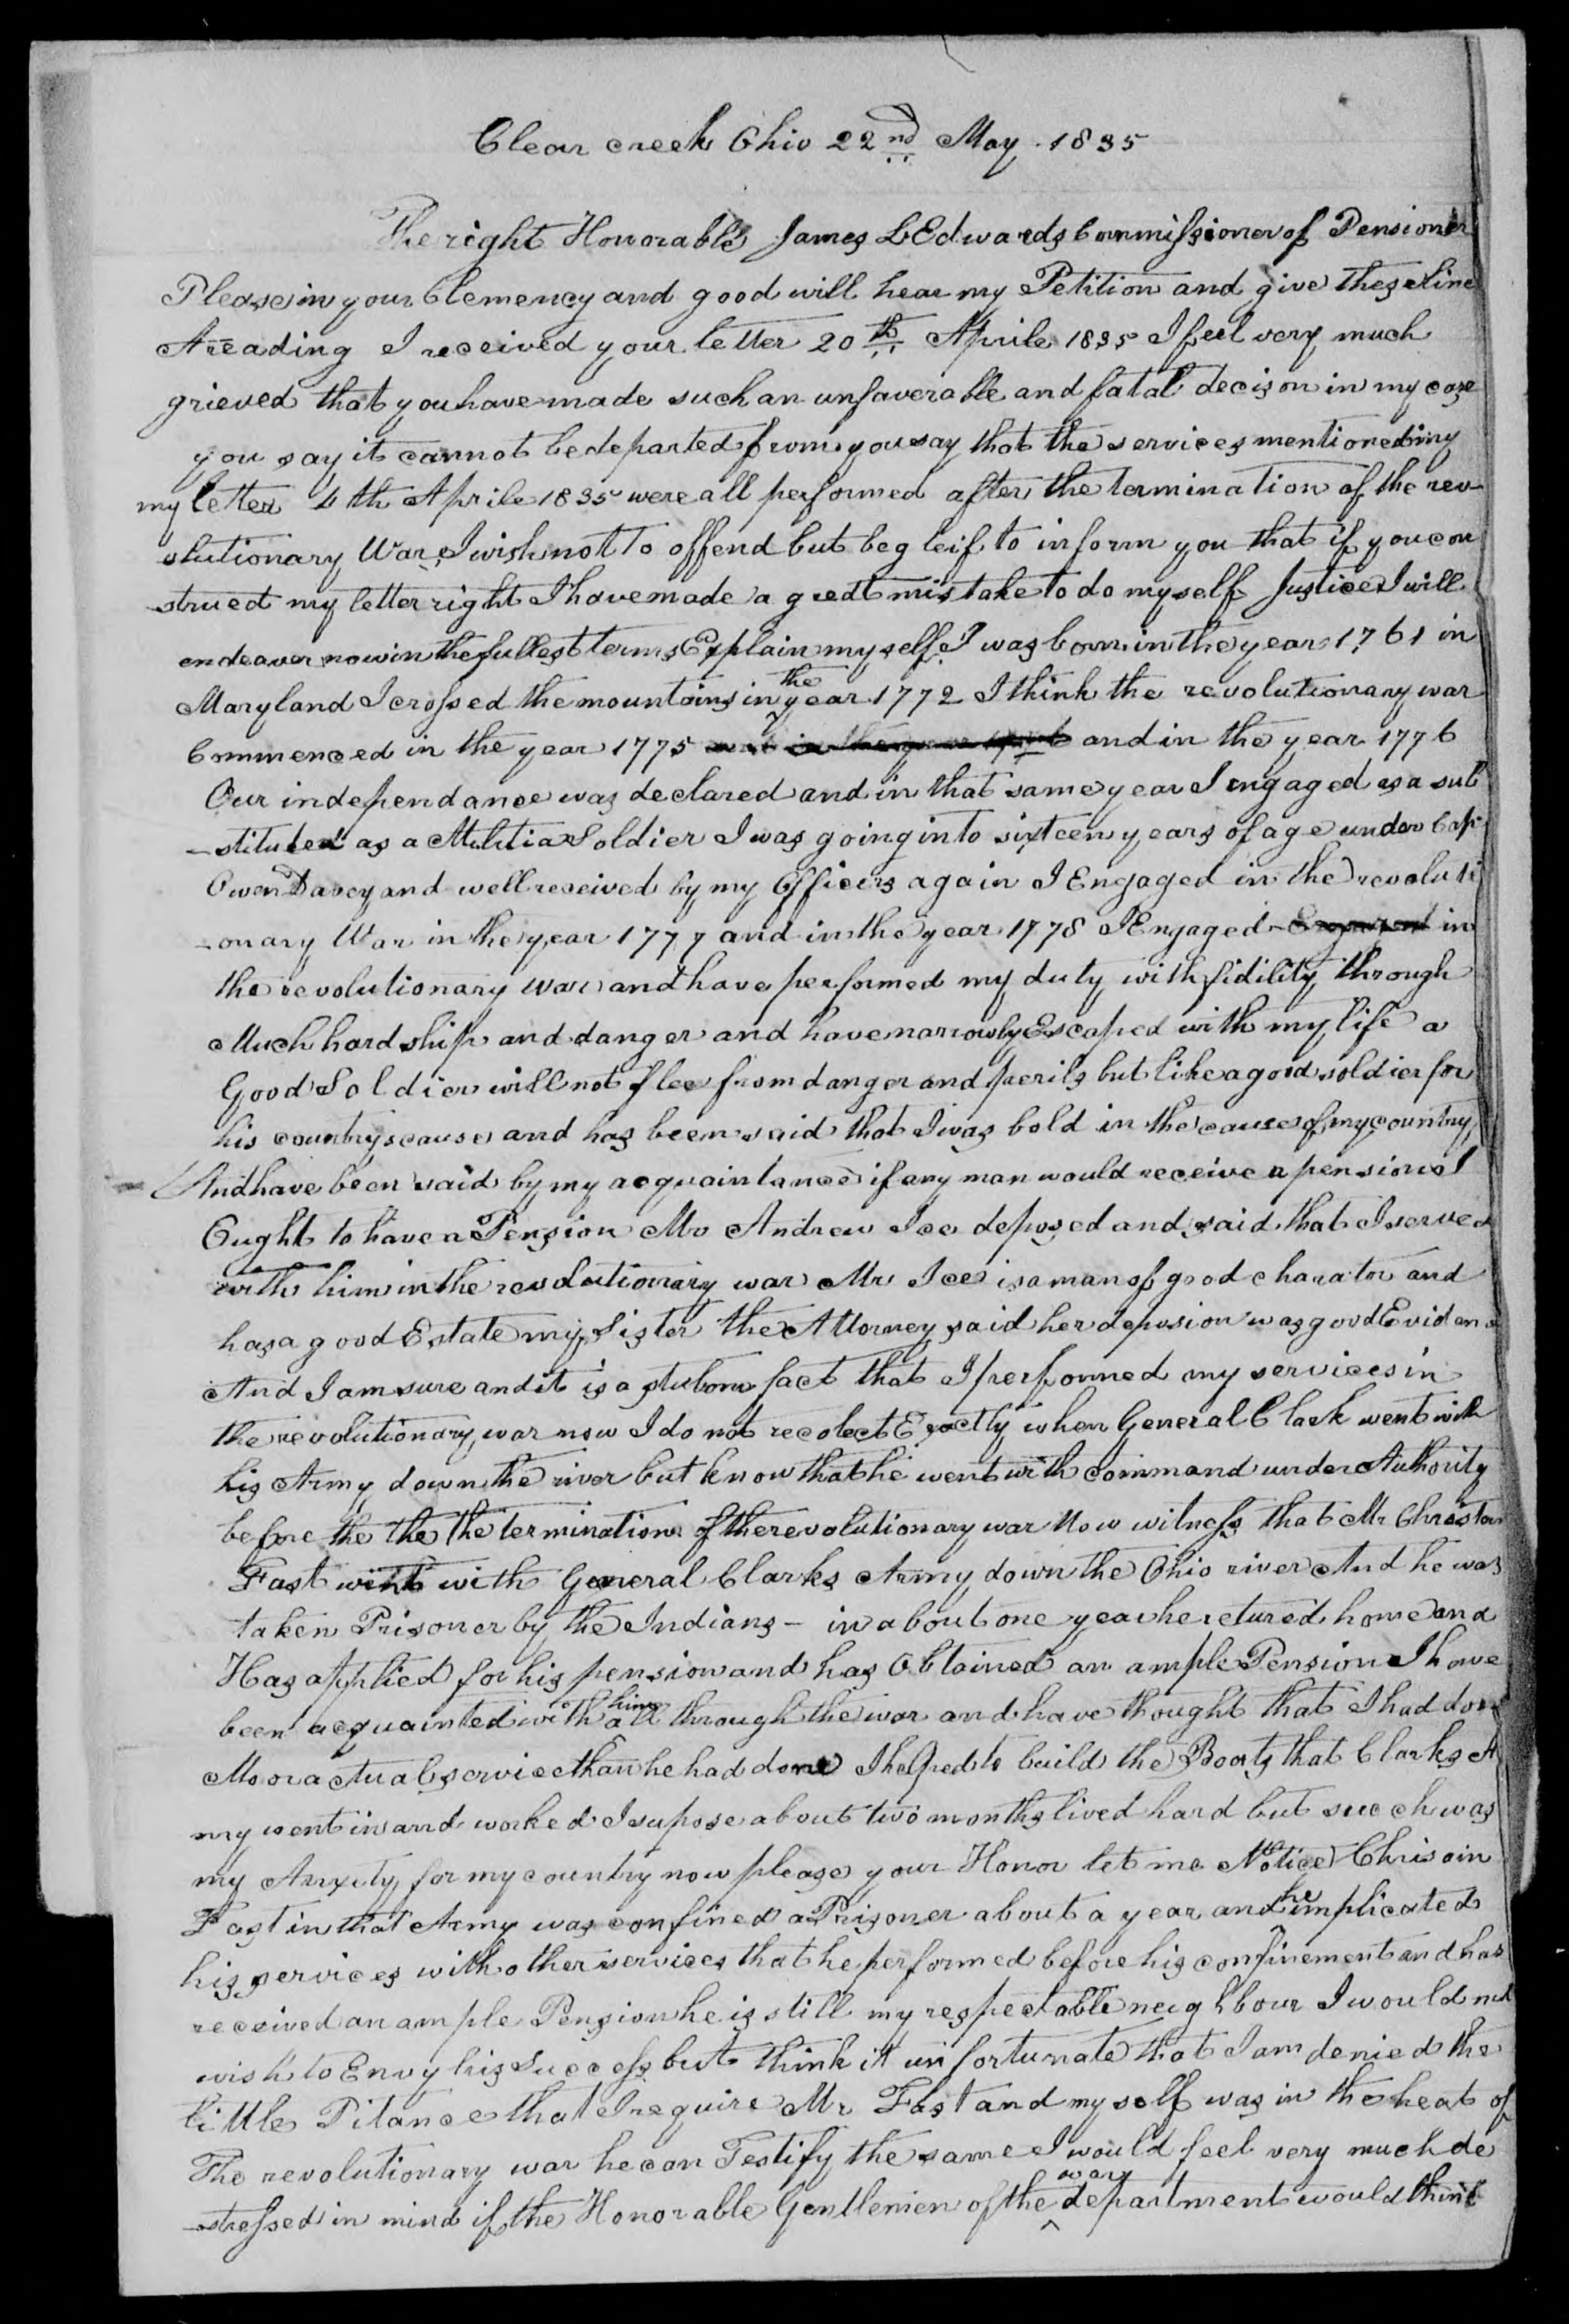Clear creek Ohio 22nd May 1835
The right Honorable James L. Edwards commissioner of Pensions
Please in your Clemency and good will hear my Petition and give these lines
a reading. I received you letter 20th of April 1835. I feel very much
grieved that you have made such an unfavorable and fatal decision in my care.
You say it cannot be departed from. You say that the service mentioned in
my letter 6th of April 1835 were all performed after the termination of the 
revolutionary War. I wish not to offend but beg [  ] to inform you that if you 
construed my letter right I have made a great mistake. To do myself justice, I will endeaver now in the fullest terms explain myself. I was born in the year 1761 in Maryland. I crossed the mountains in the year 1779. I think the revolutionary war commenced in the year 1775 (crossed out words)and in the year 1776
our independence was declared and in that same year I engaged as a
substitute as a  Malitia soldier.  I was going into sixteen years of age under
Captain Owen Darcy and well received by my officers. Again I engaged in the 
revolutionary War in the year 1777 and in the year 1778. I engaged in
the revolutionary war and have performed my duty with fidelity through
much hardship and danger and have narrowly  escaped with my life. A
good soldier will not flee from danger and peril, but like a good soldier for
his country's cause and has been said I was bold in the causes of my country.
And have been said by my acquaintance: if any man would receive a pension
ought to have a pension, Mr. Andrew [Joe] deposed and said that I serve
with him in the revolutionary war. Mr [Joe] is a man of good character and
had good estate my sister the attorney said her deposition was good evidence
and I am sure and it is a plumb fact that I performed my services in
the revolutionary war now I do not recolect exactly when General Clark went with
his Army down the river know that he went with command under authority
before the termination of the revolutionary war. Now witness that Mr. Christian
Fast was with the General Clarks Army down the Ohio reiver. And he was
taken prisoner by the Indians - in about one year he returned home and
had applied for his pension and has obtained and ample pension. I have
been acquainted with him through the war and have thought that I had done
more actual service than he had done. I helped built the boat that Clark army
sent in and worked I suppose about two months lived hard but such was was
my anxiety for my country now please your Honor let me notice Christian
Fast in that army was confined a prisoner about a year and he implicated
his services with other serviced that he performed before his confinement and has
received an ample pension he is still my respectable neighbor I would not
wish to envy his success but think it unfortunate that I am denied the
little pitance that I require. Mr. Fast and myself was in the heat of
the revolutionary war he can testify the same. I would feel very much
distressed in mind if the Honorable Gentlemen of the war department would think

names: Christin Fast, Andrew Ice, Clark, Owen Davey, James L Edwards, Christan Fast, Fast, Ice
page: 15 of 33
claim: survivor's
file: S. 9587, William Holson, Va.